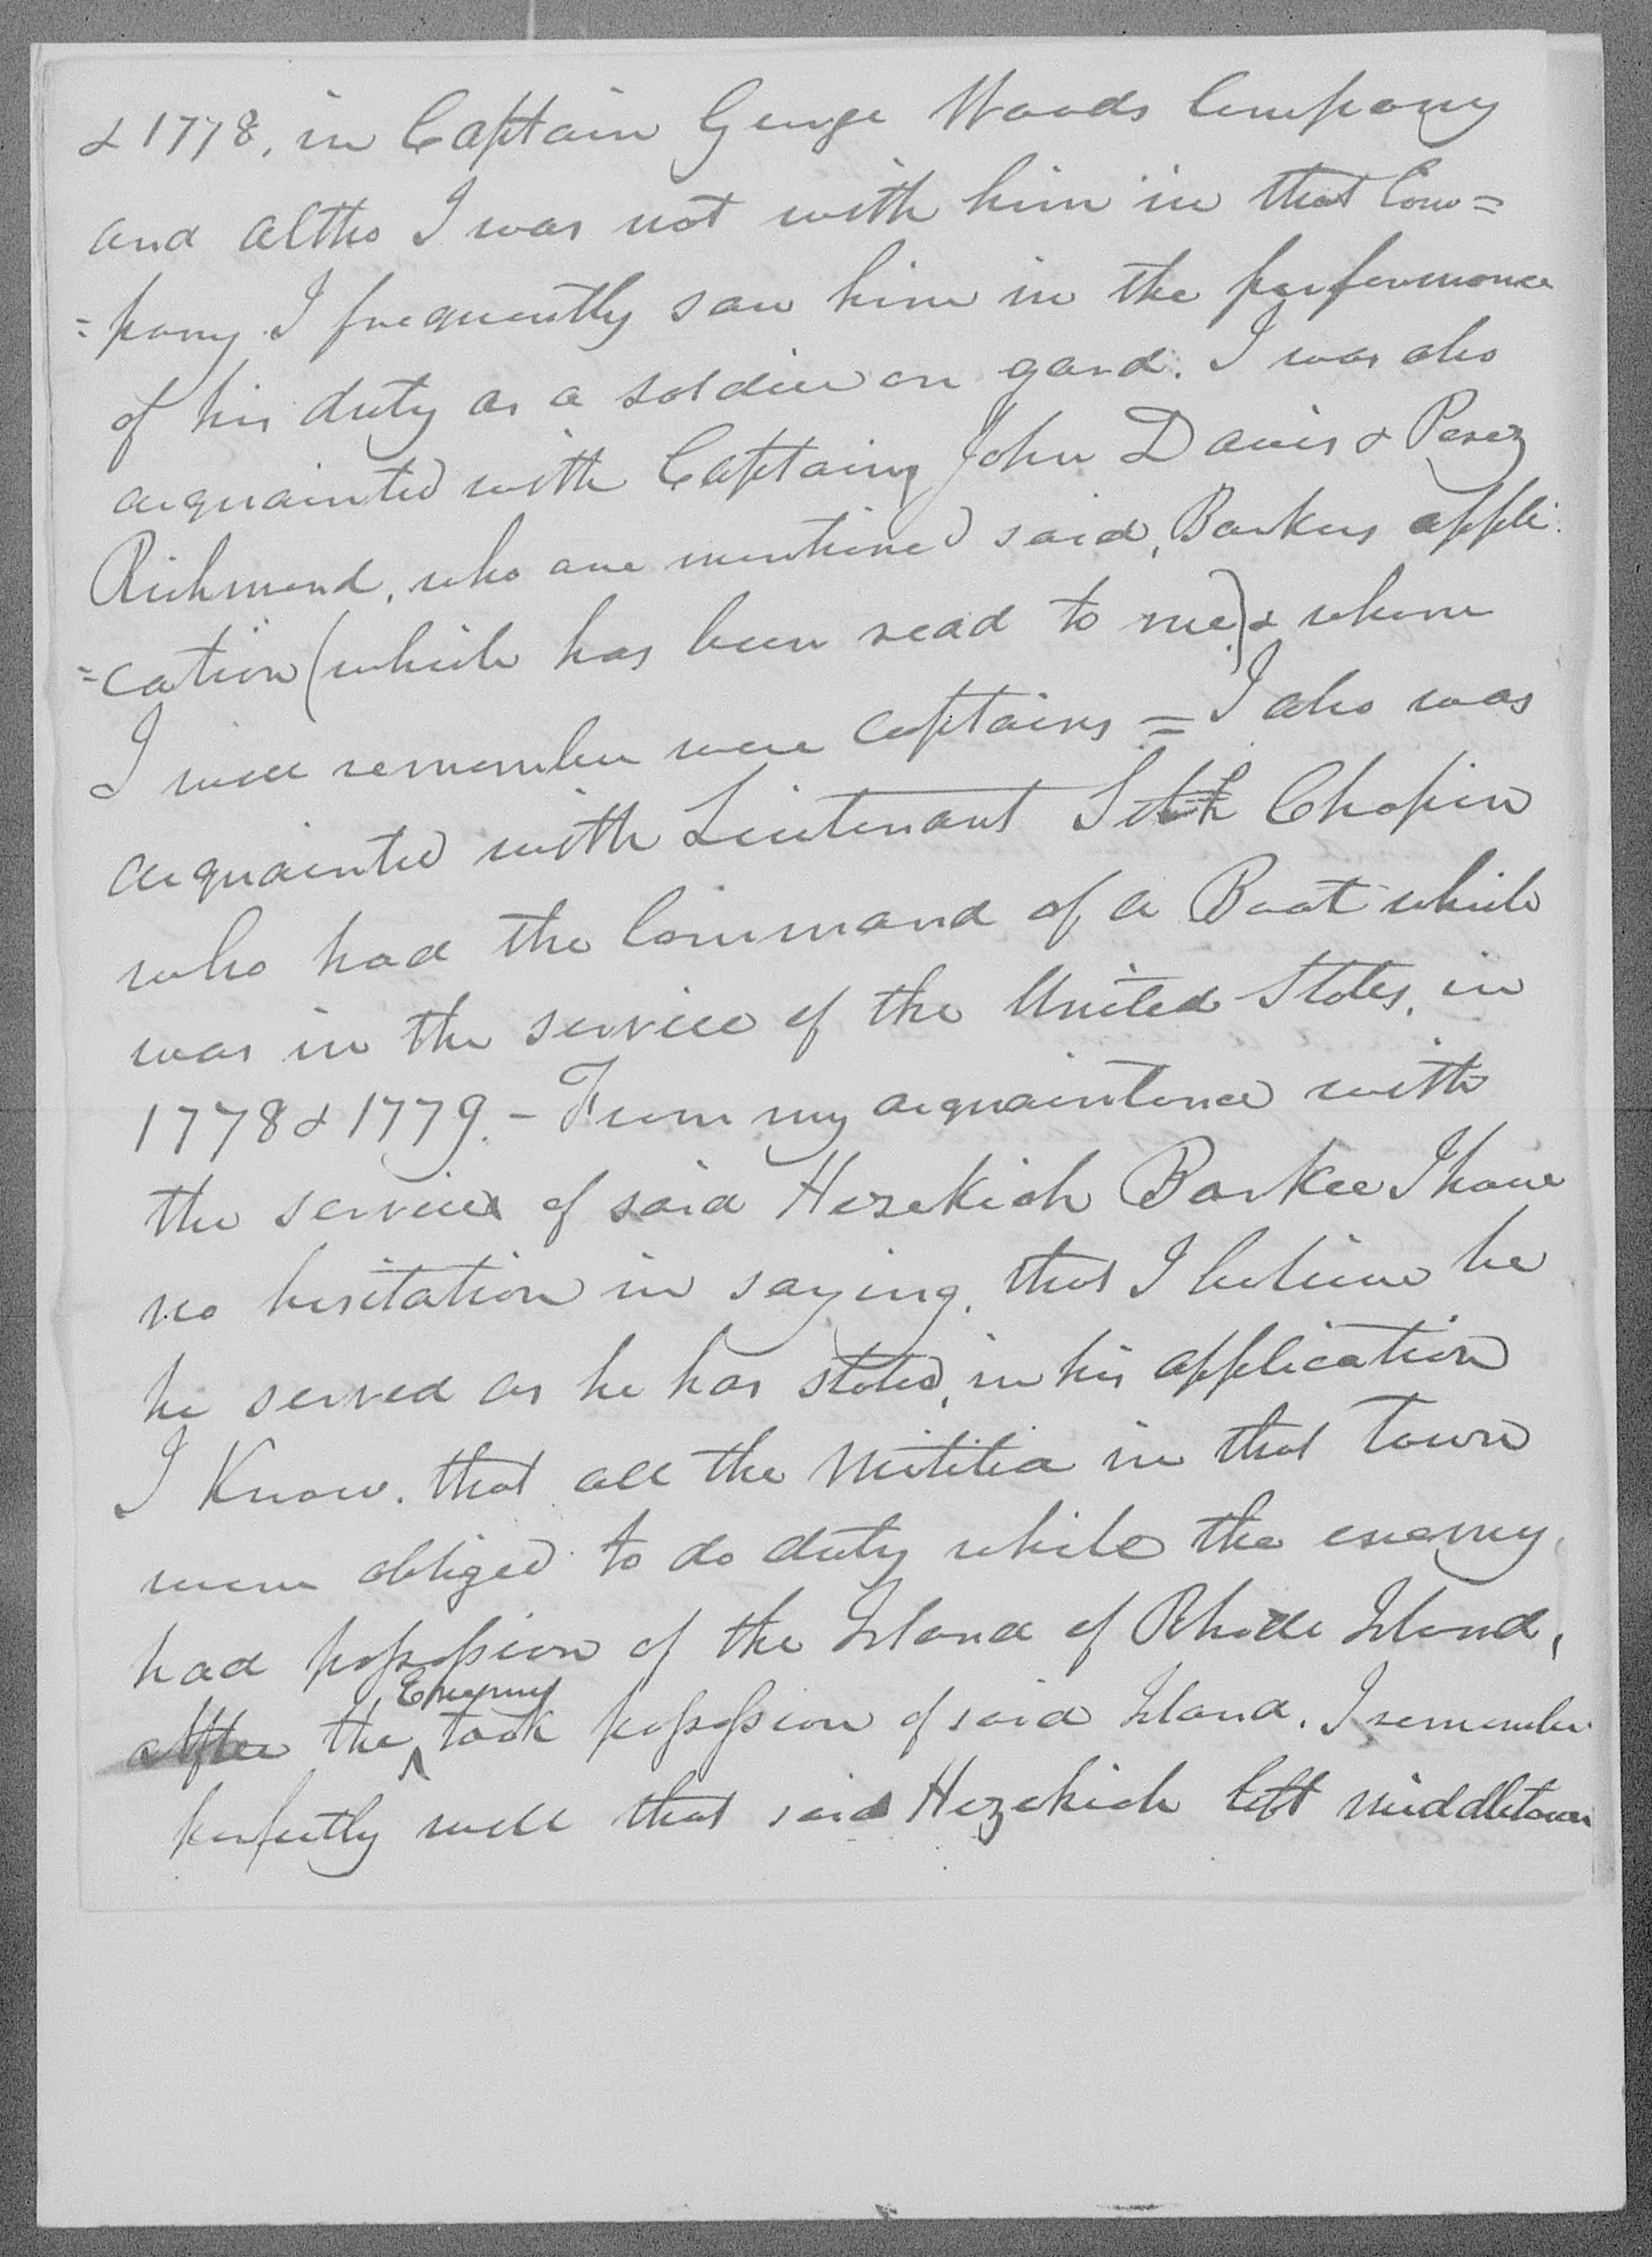& 1778, in Captain George Woods Company
and altho [although] I was not with him in that com-
-pany I frequently saw him in the performance
of his duty as a soldier on gard [guard].  I was also
acquainted with Captain John Davis & Perez
Richmond who are mentioned in [sic] said Barkers appli-
-cation (which has been read to me) & where
I well remember were captians.  I also was
acquainted with Lieutenant Seth Chopin 
who had the command of a boat which
was in the service of the United States in
1778 & 1779.  From my acquaintance with
the services of said Hezekiah Barker I have
no hesitation in saying that I believe he 
served as he has stated in his application
I know that all the militia in that town
were obliged to do duty while the enemy
had possession of the Island of Rhode Island
after [crossed out] the company took possession of said Island.  I remember perfectly well that said Hezekiah left Middletown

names: Perez Richmond, Barkers, Seth Chopin, John Davis, Hezekiah, Hezekiah Barker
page: 39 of 52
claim: widow's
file: W. 18,565, Hezekiah Barker, Continental R.I.